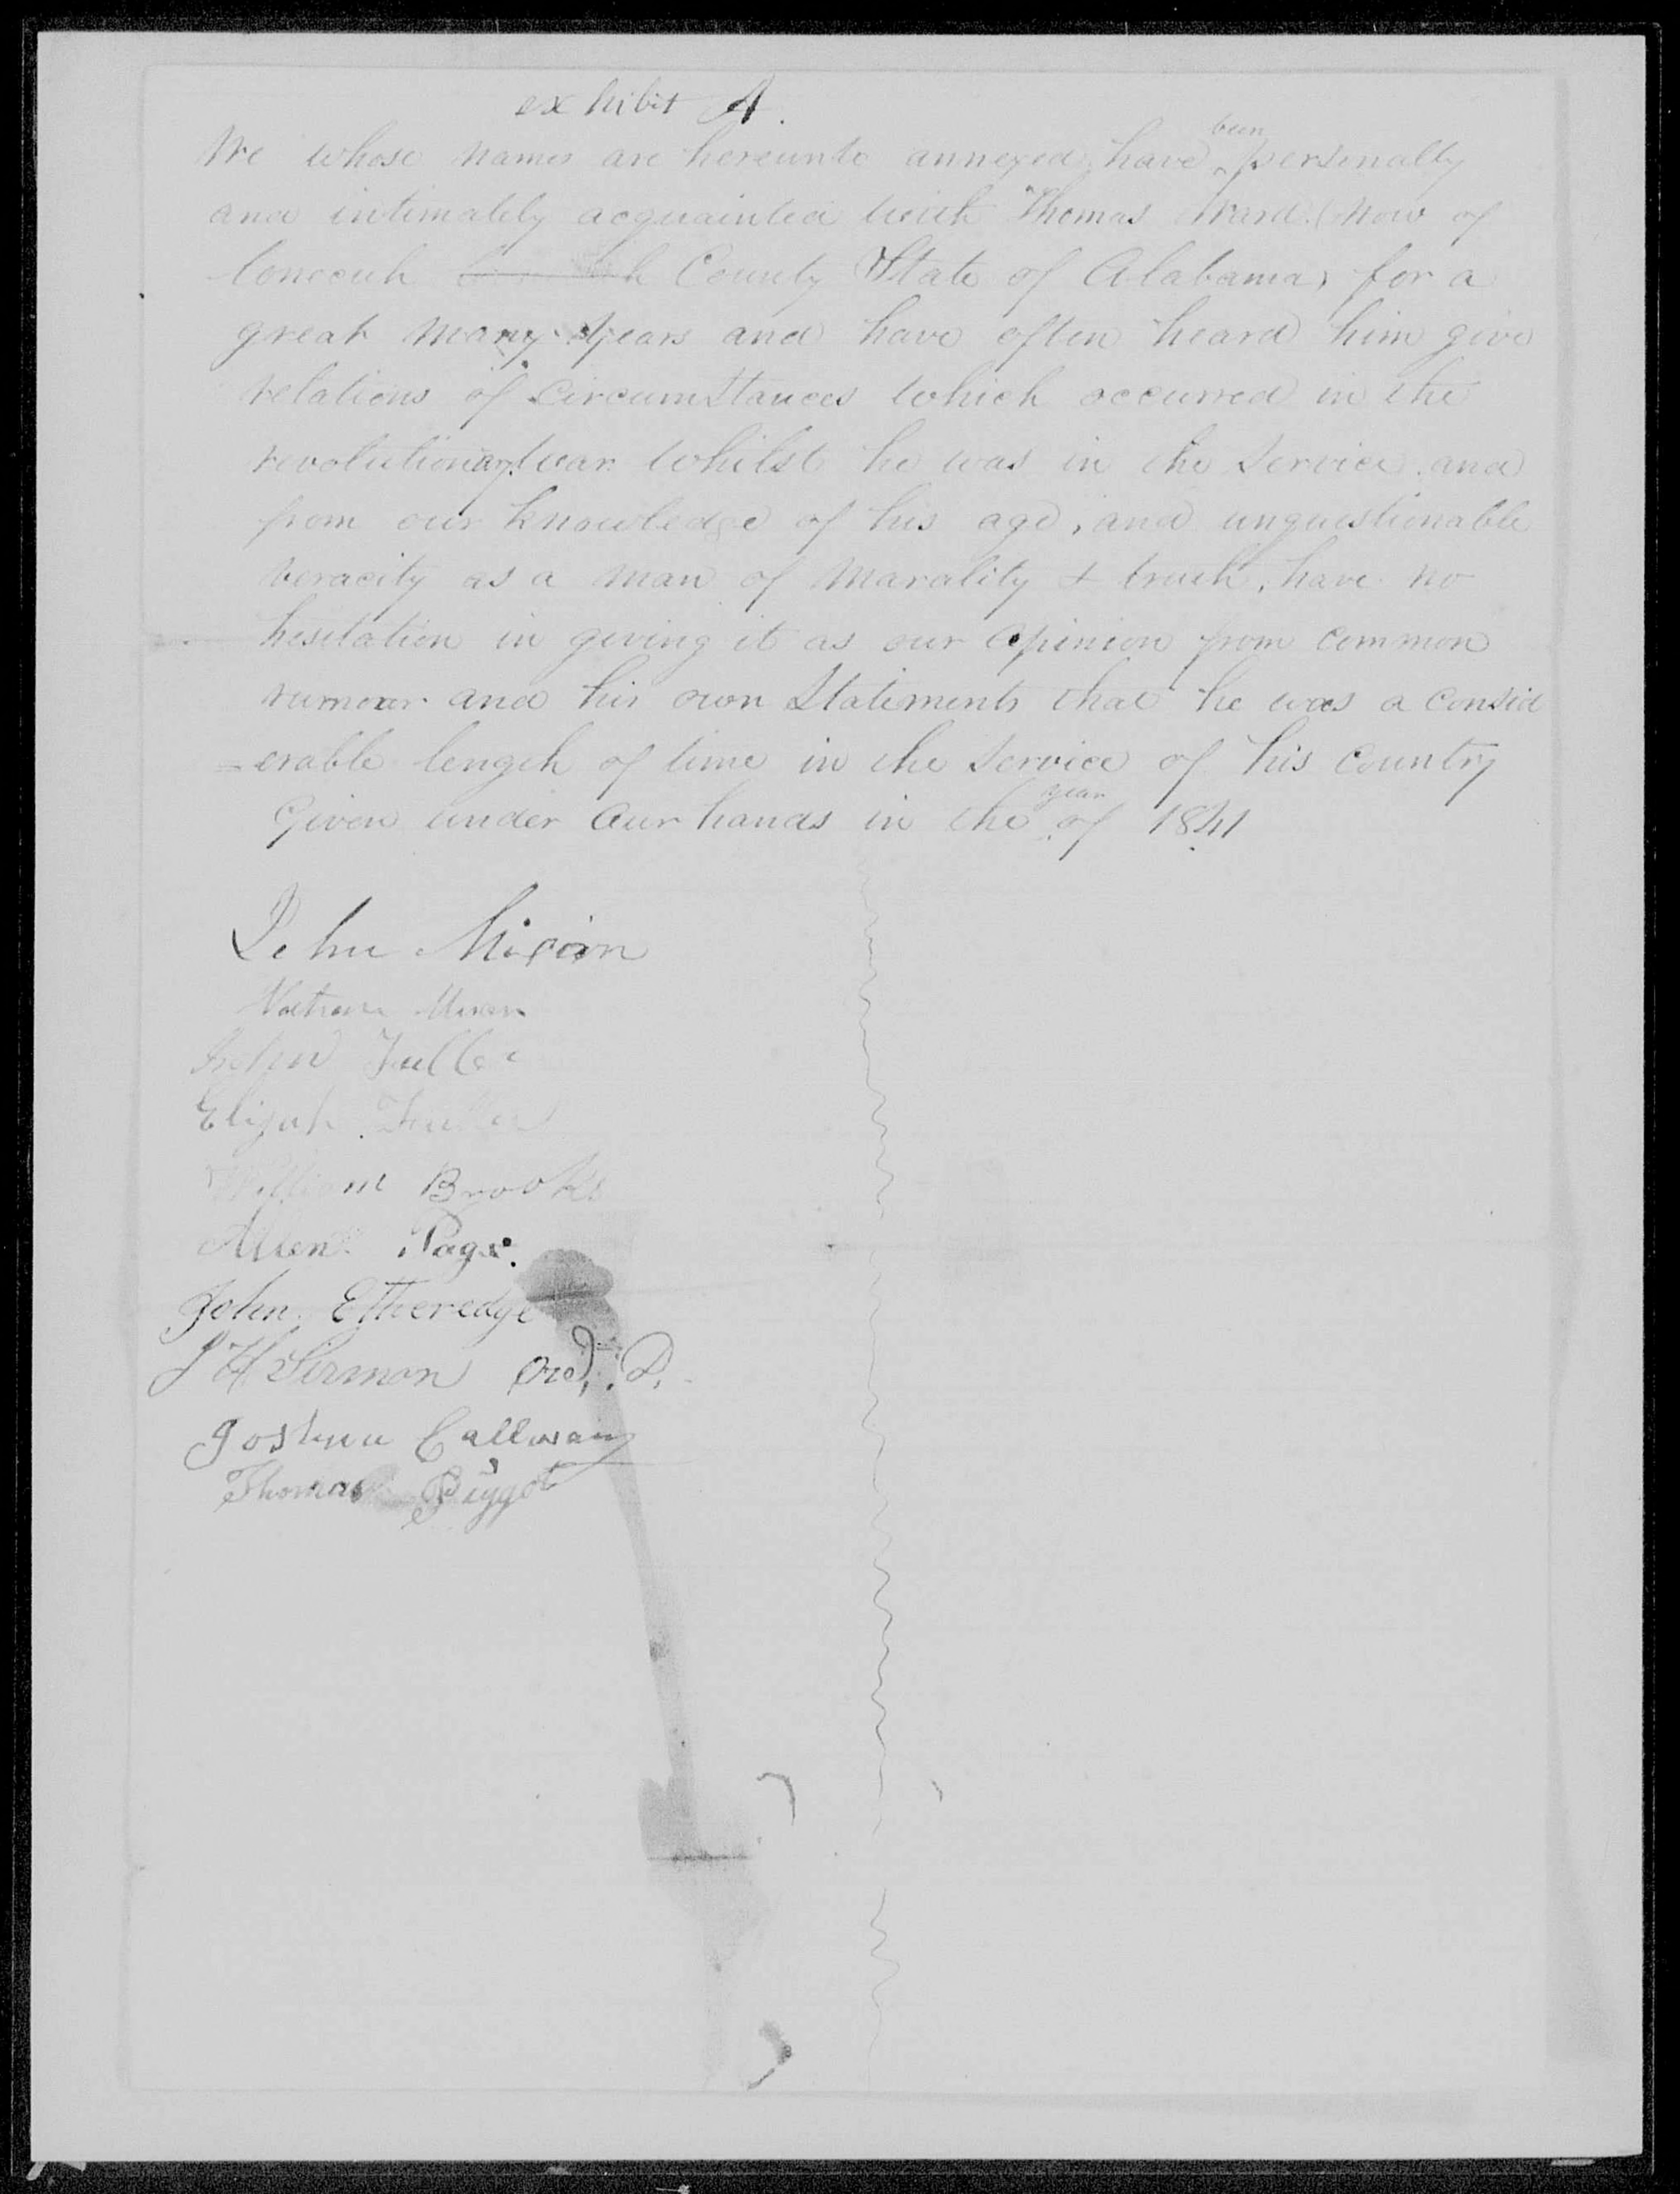exhibit A.
We whose names are hereunto annexed; have been personally and intimately acquainted with Thomas Ward now of Conecuh [crossed out 'Conecuh'] County state of Alabama for a great many years and have often heard him give relations of circumstances which occurred in the revolutionary war whilst he was in the Service. and from our knowledge of his age, and unquestionable veracity as a man of morality &[and] truth, have no hesitation in giving it as our Opinion from common rumour and his own Statements that he was a considerable length of time in the Service of his country
Given under our hands in the year of 1841

John Mixon
Nathan Mixon
John Fuller
Elijah Fuller
William Brooks
Allen Page
John Etheredge
J H Sirmon   Or J. D.
Joshua Calloway
Thomas Piggot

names: John Tuller, John Etheredge, Thomas Piggot, Brooks, Joshua Calloway, J H Sirmon, Elijah, John Mixon, Nathan Mixon, Thomas Ward, Allen Page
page: 27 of 31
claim: survivor's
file: S. 14802, Thomas Ward, S.C.